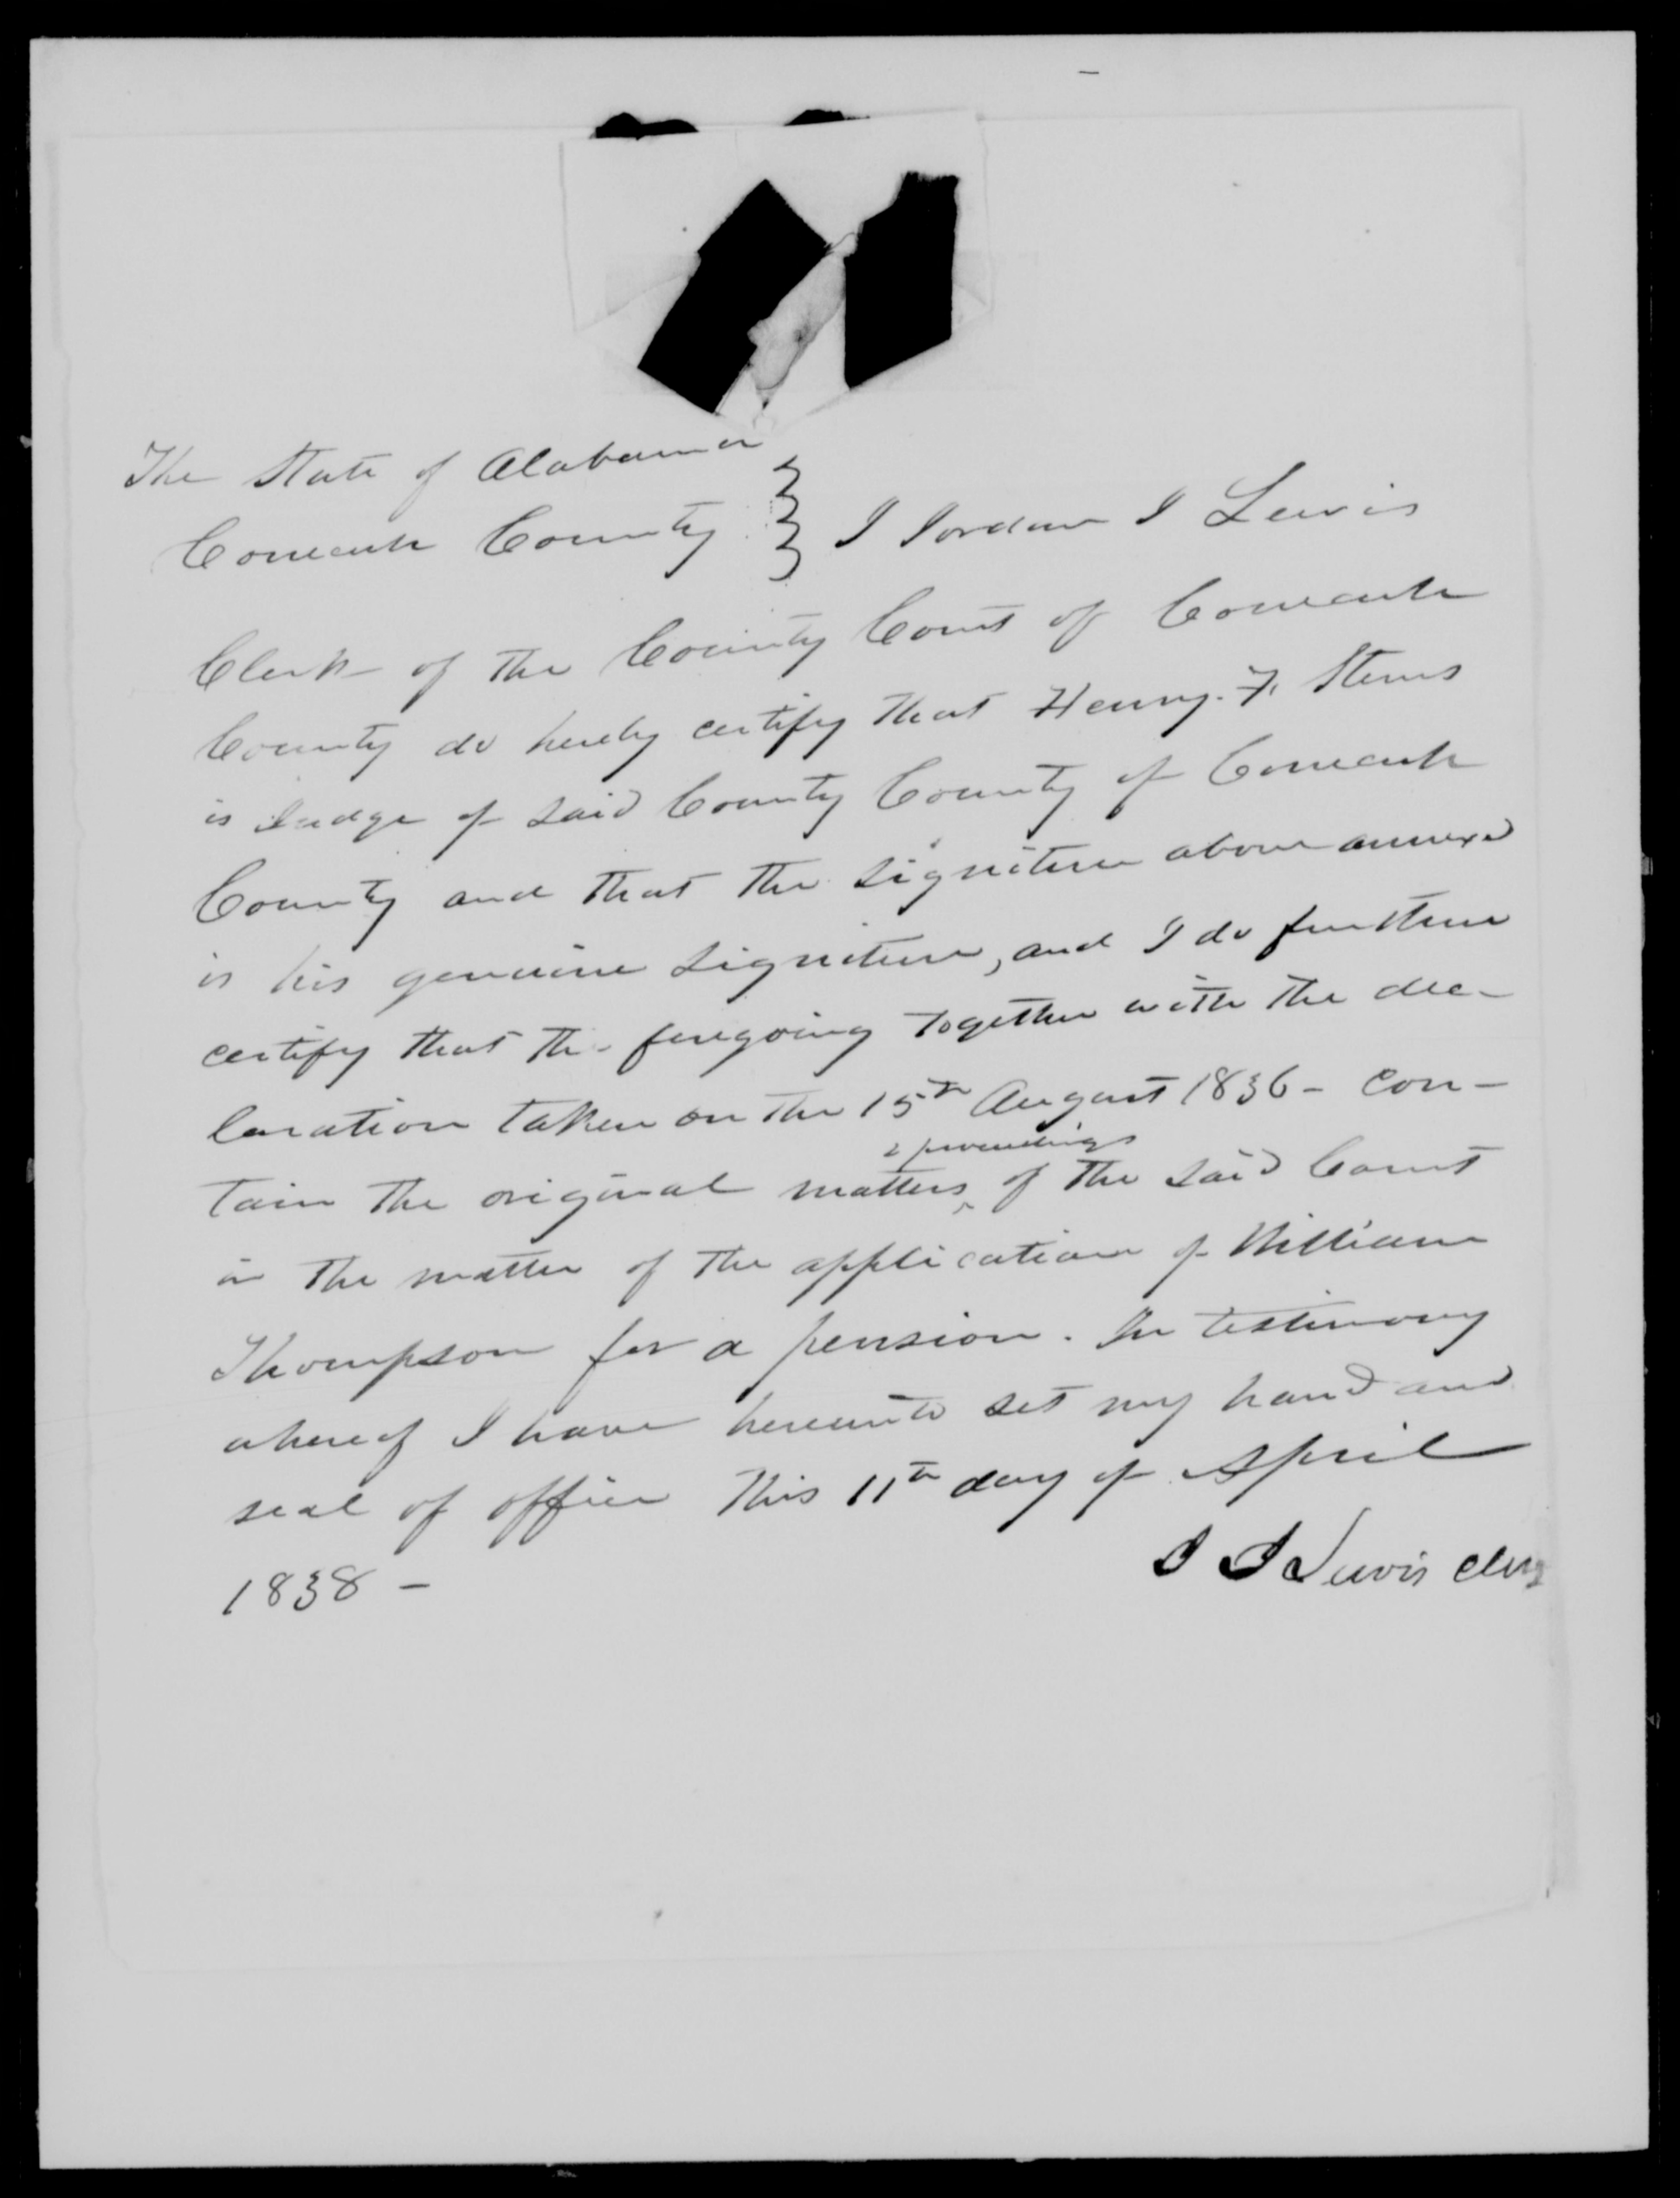TheState of Alabama⎬
Conecuh County        ⎬
I Jorden I Lewis
Clerk of the County Court of Conecuh
County do hereby certify that Henry F. Sterns
is Judge of said County County of Conecuh
County and that the signature above annex
is his genuine signature, and I do further
certify that the foregoing together with the 
declaration taken on the 15th August 1836 -- Contain the original matter of the said Court
in the matter of the application of William
Thompson for a pension. 

In testimony
whereof I have hereunto set my hand and
seal of office this 11th day of April
1838-
J. J. Lewis clerk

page: 16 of 16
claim: rejected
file: R. 10561, for William Thompson, South Carolina